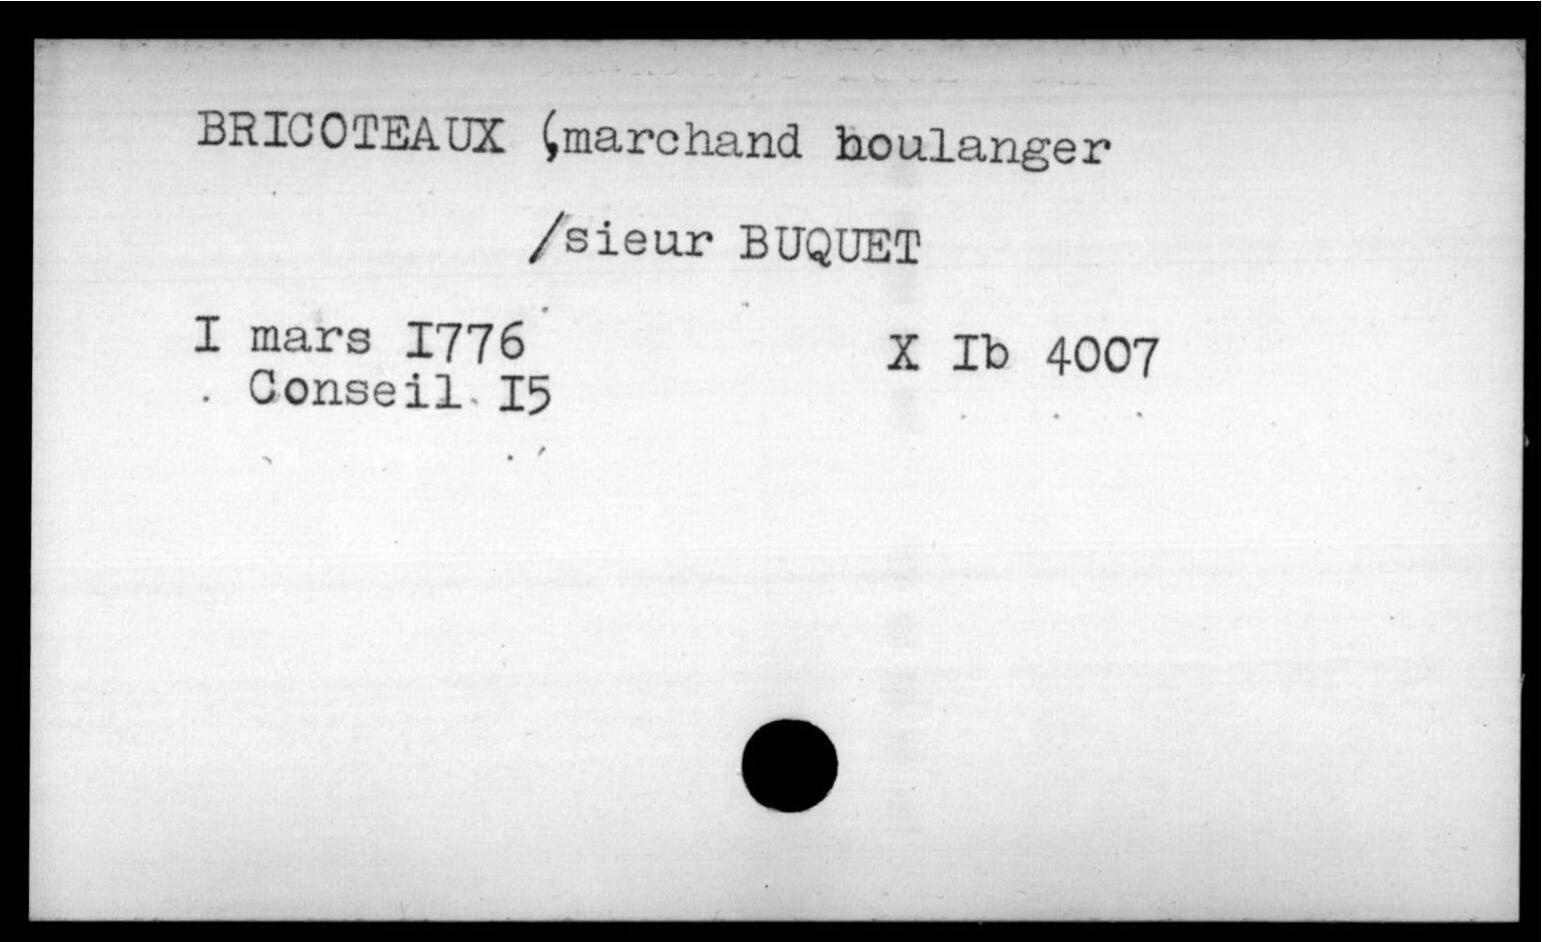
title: BRICOTEAUX (marchand boulanger
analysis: Contre sieur BUQUET
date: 1 mars 1776
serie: X1b
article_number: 4007
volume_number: Conseil, 15
